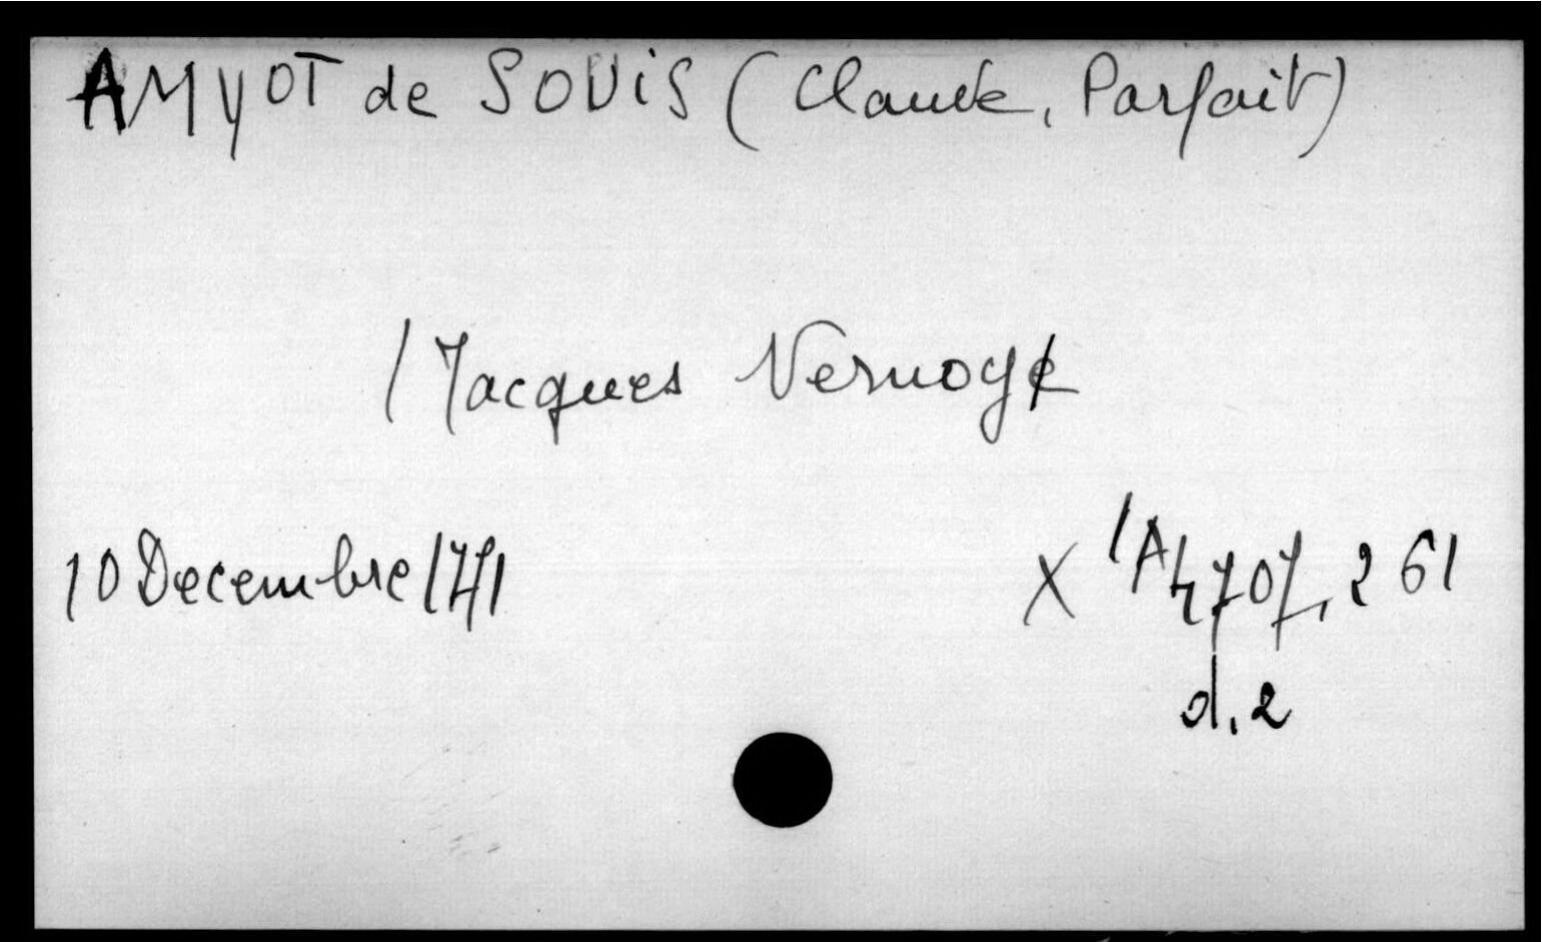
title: AMYOT de SOUIS (Claude, Parfait)
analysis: Contre Jacques Vernoy
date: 10 décembre 1771
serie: X1A
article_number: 4707
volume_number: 261 défauts, 2
